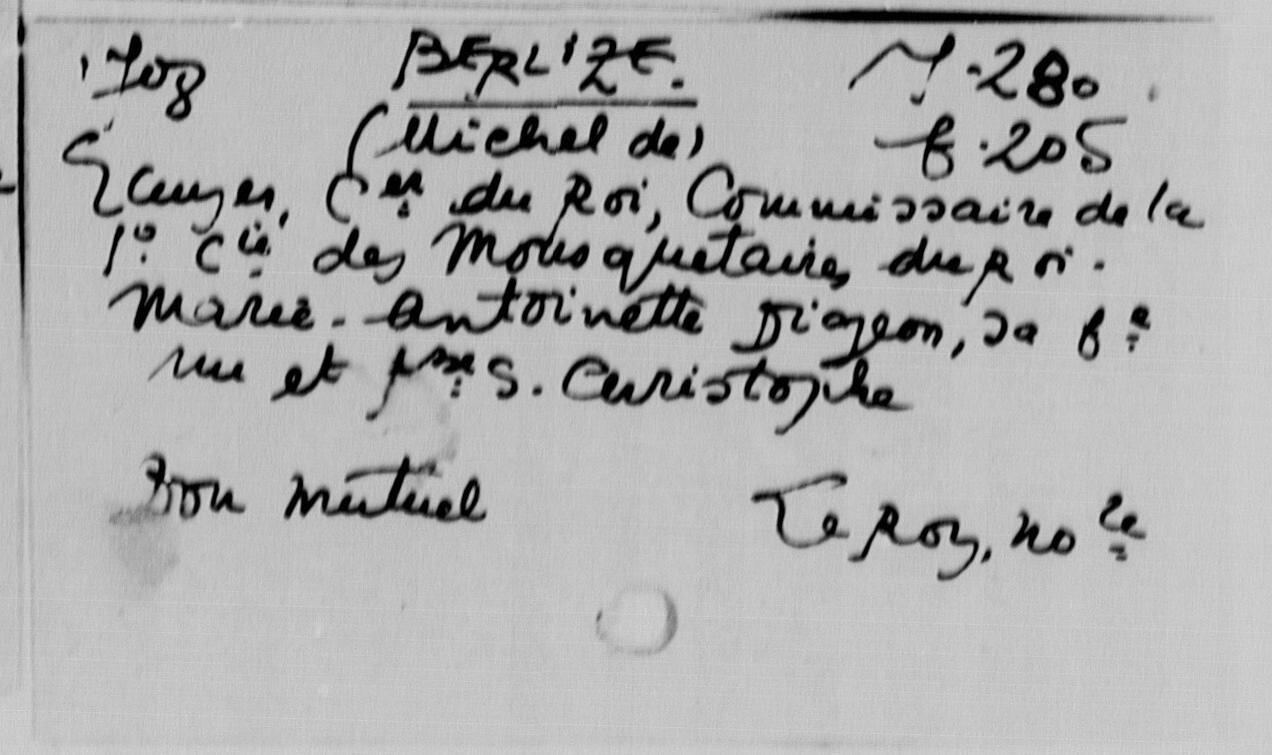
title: BERLIZE (Michel de)
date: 1708
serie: Y
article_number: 280
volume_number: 205
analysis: Écuyer, conseiller du roi, commissaire de la 1ère compagnie des Mousquetaires du roi. Marie-Antoinette Digeon, sa femme. Rue et paroisse Saint-Christophe. Don mutuel. Leroy, notaire.
